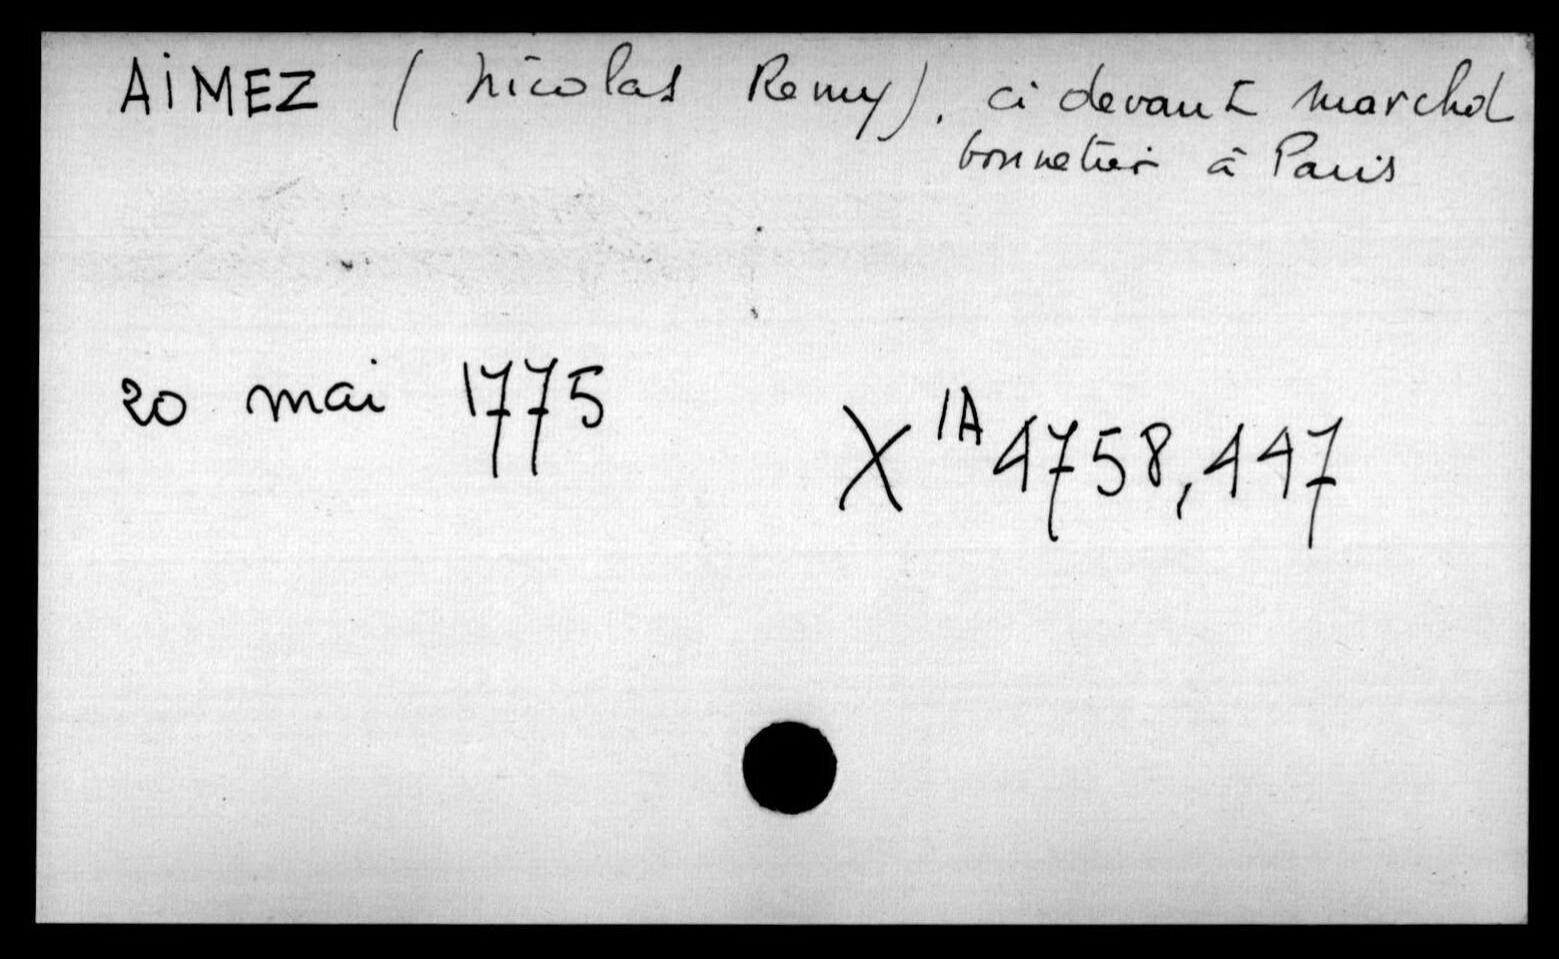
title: AIMEZ (Nicolas Remy), ci devant marchand bonnetter à Paris
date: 20 mai 1775
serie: X1A
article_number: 4758
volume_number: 447
